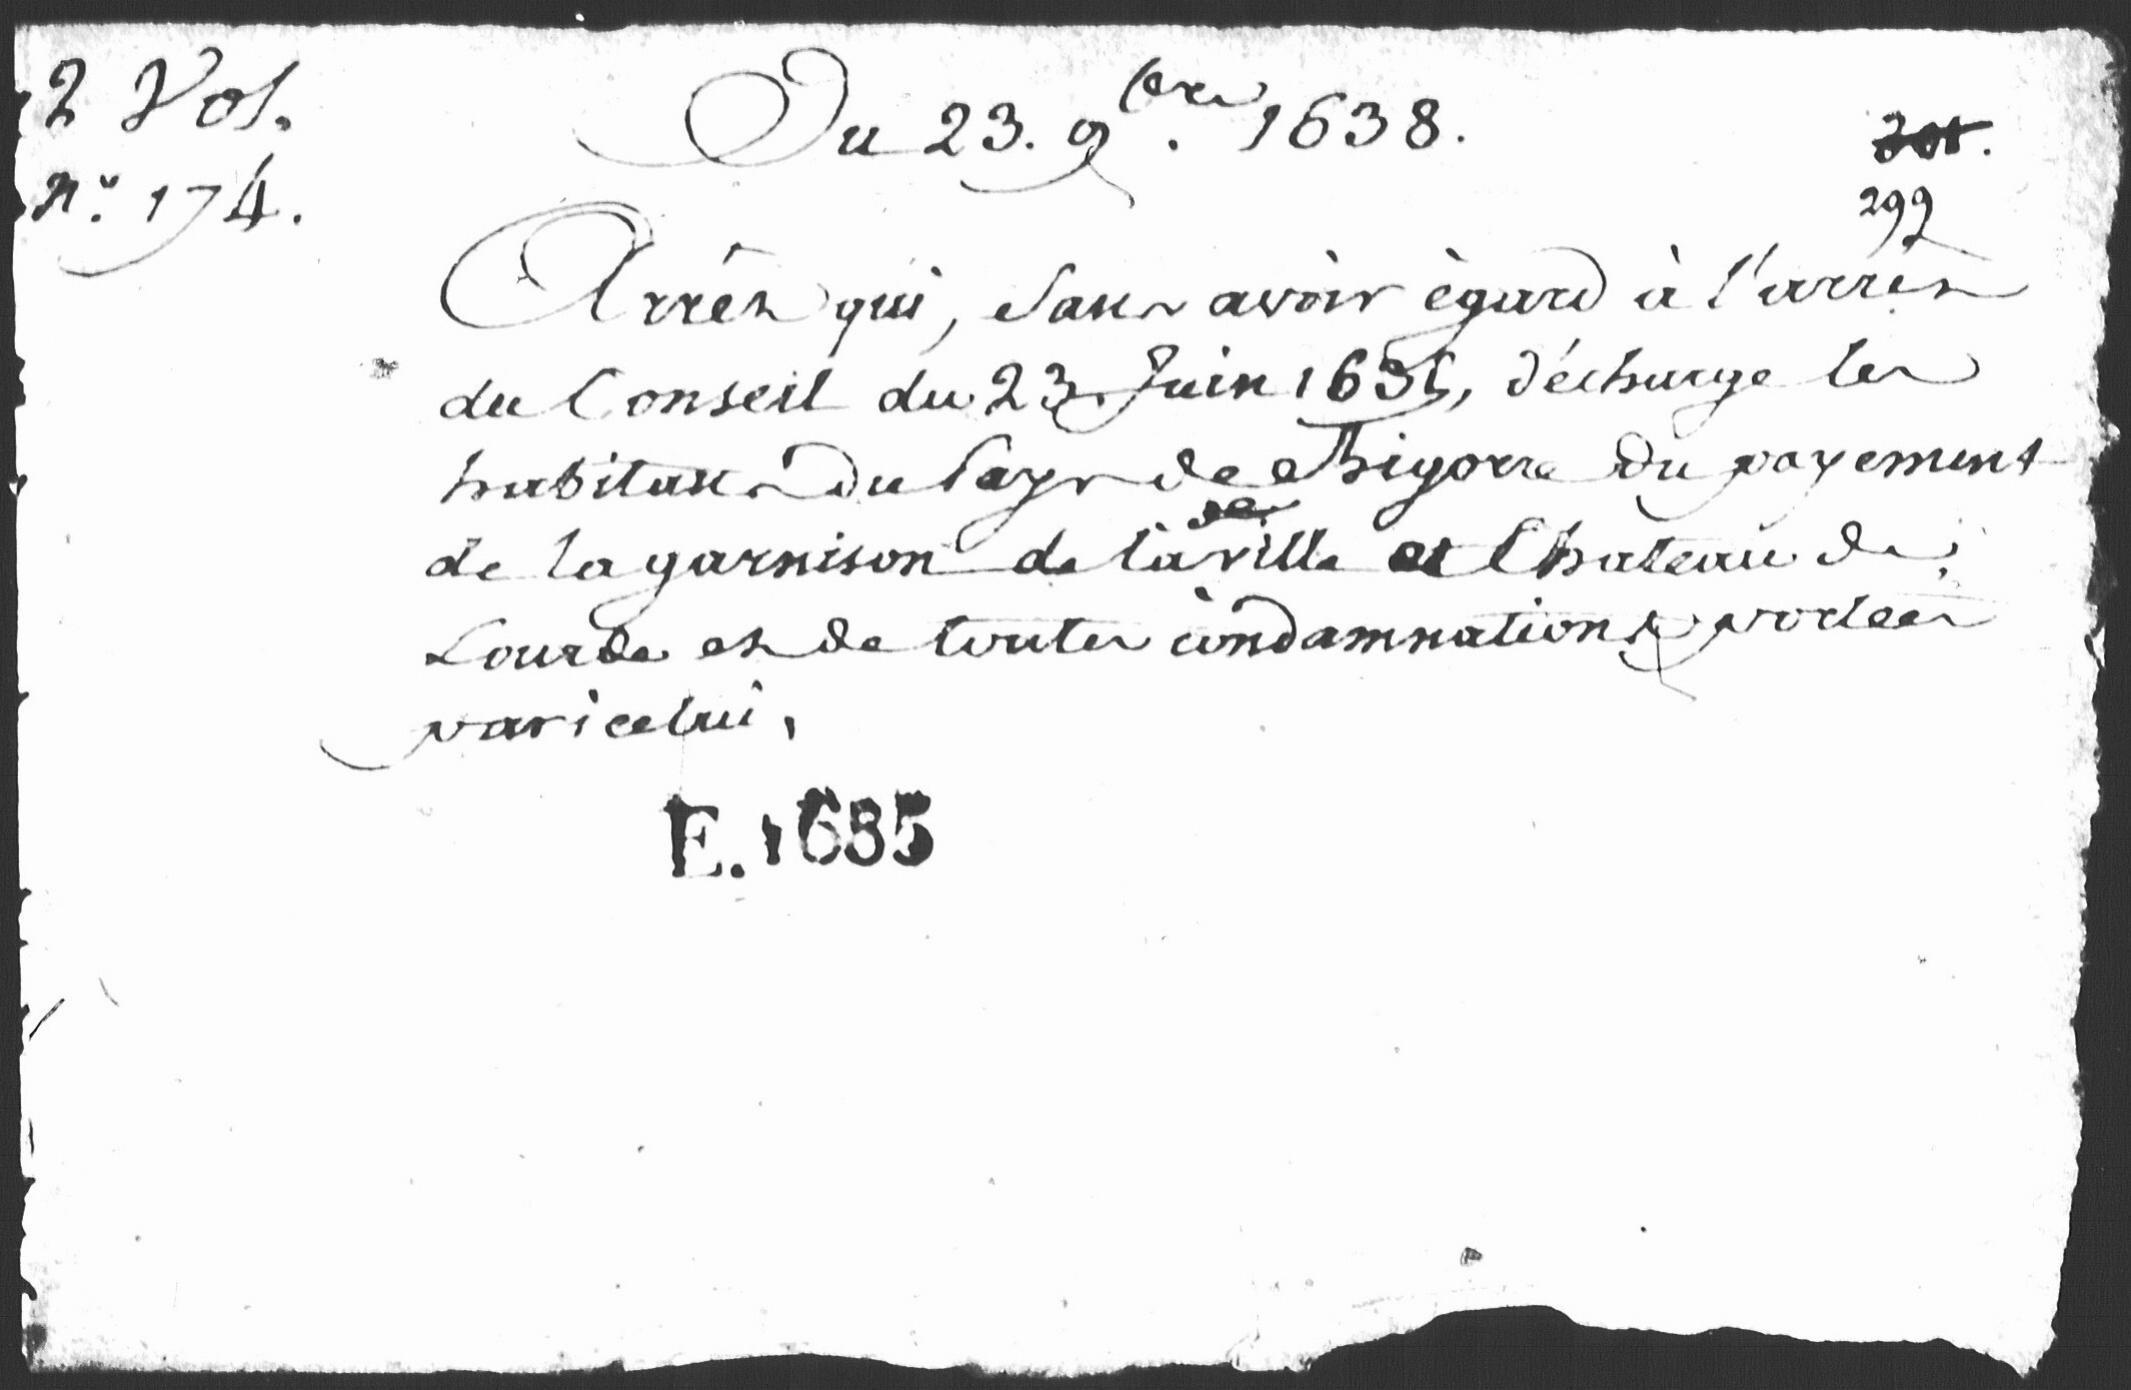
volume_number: n°174
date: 23 novembre 1638
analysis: [301 barré] 299
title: Arrêt qui, sans avoir égard à l'arrêt du Conseil du 23 juin 1635, décharge les habitants du Pays de Bigorre du payement de la garnison de la ville [de] et chateau de Lourde et de toutes condamnations portées par icelui.
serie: E
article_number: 1685
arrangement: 2 vol.
